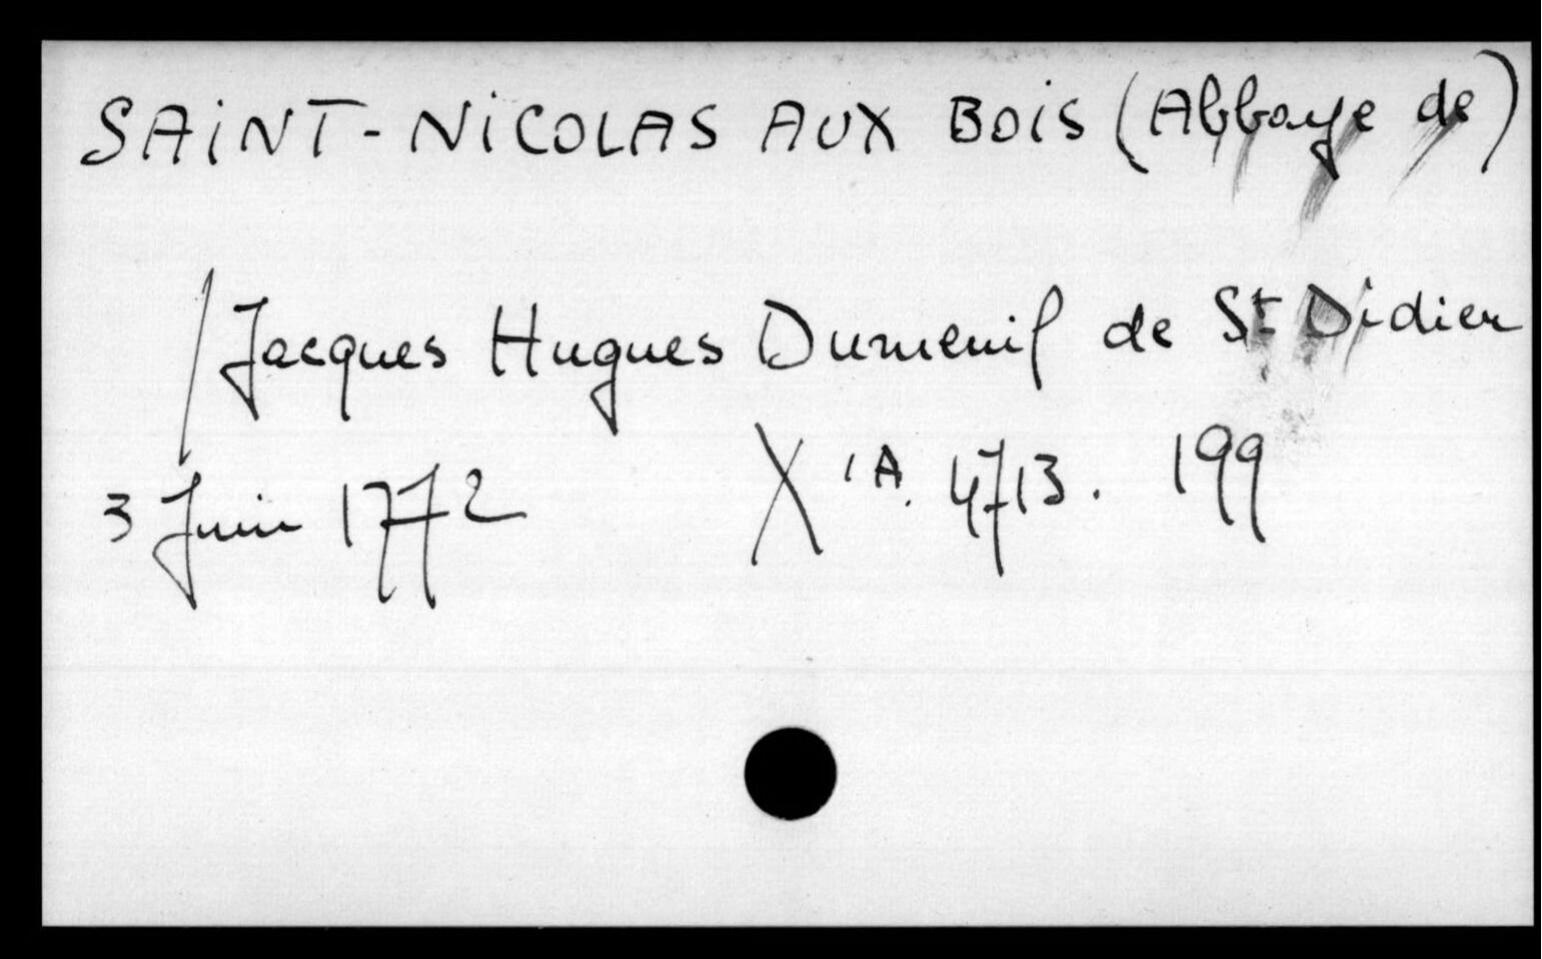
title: SAINT-NICOLAS AUX BOIS (Abbaye de)
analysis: Contre Jacques Hugues Dumenil de Saint-Didier
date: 3 juin 1772
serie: X1A
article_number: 4713
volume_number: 199
